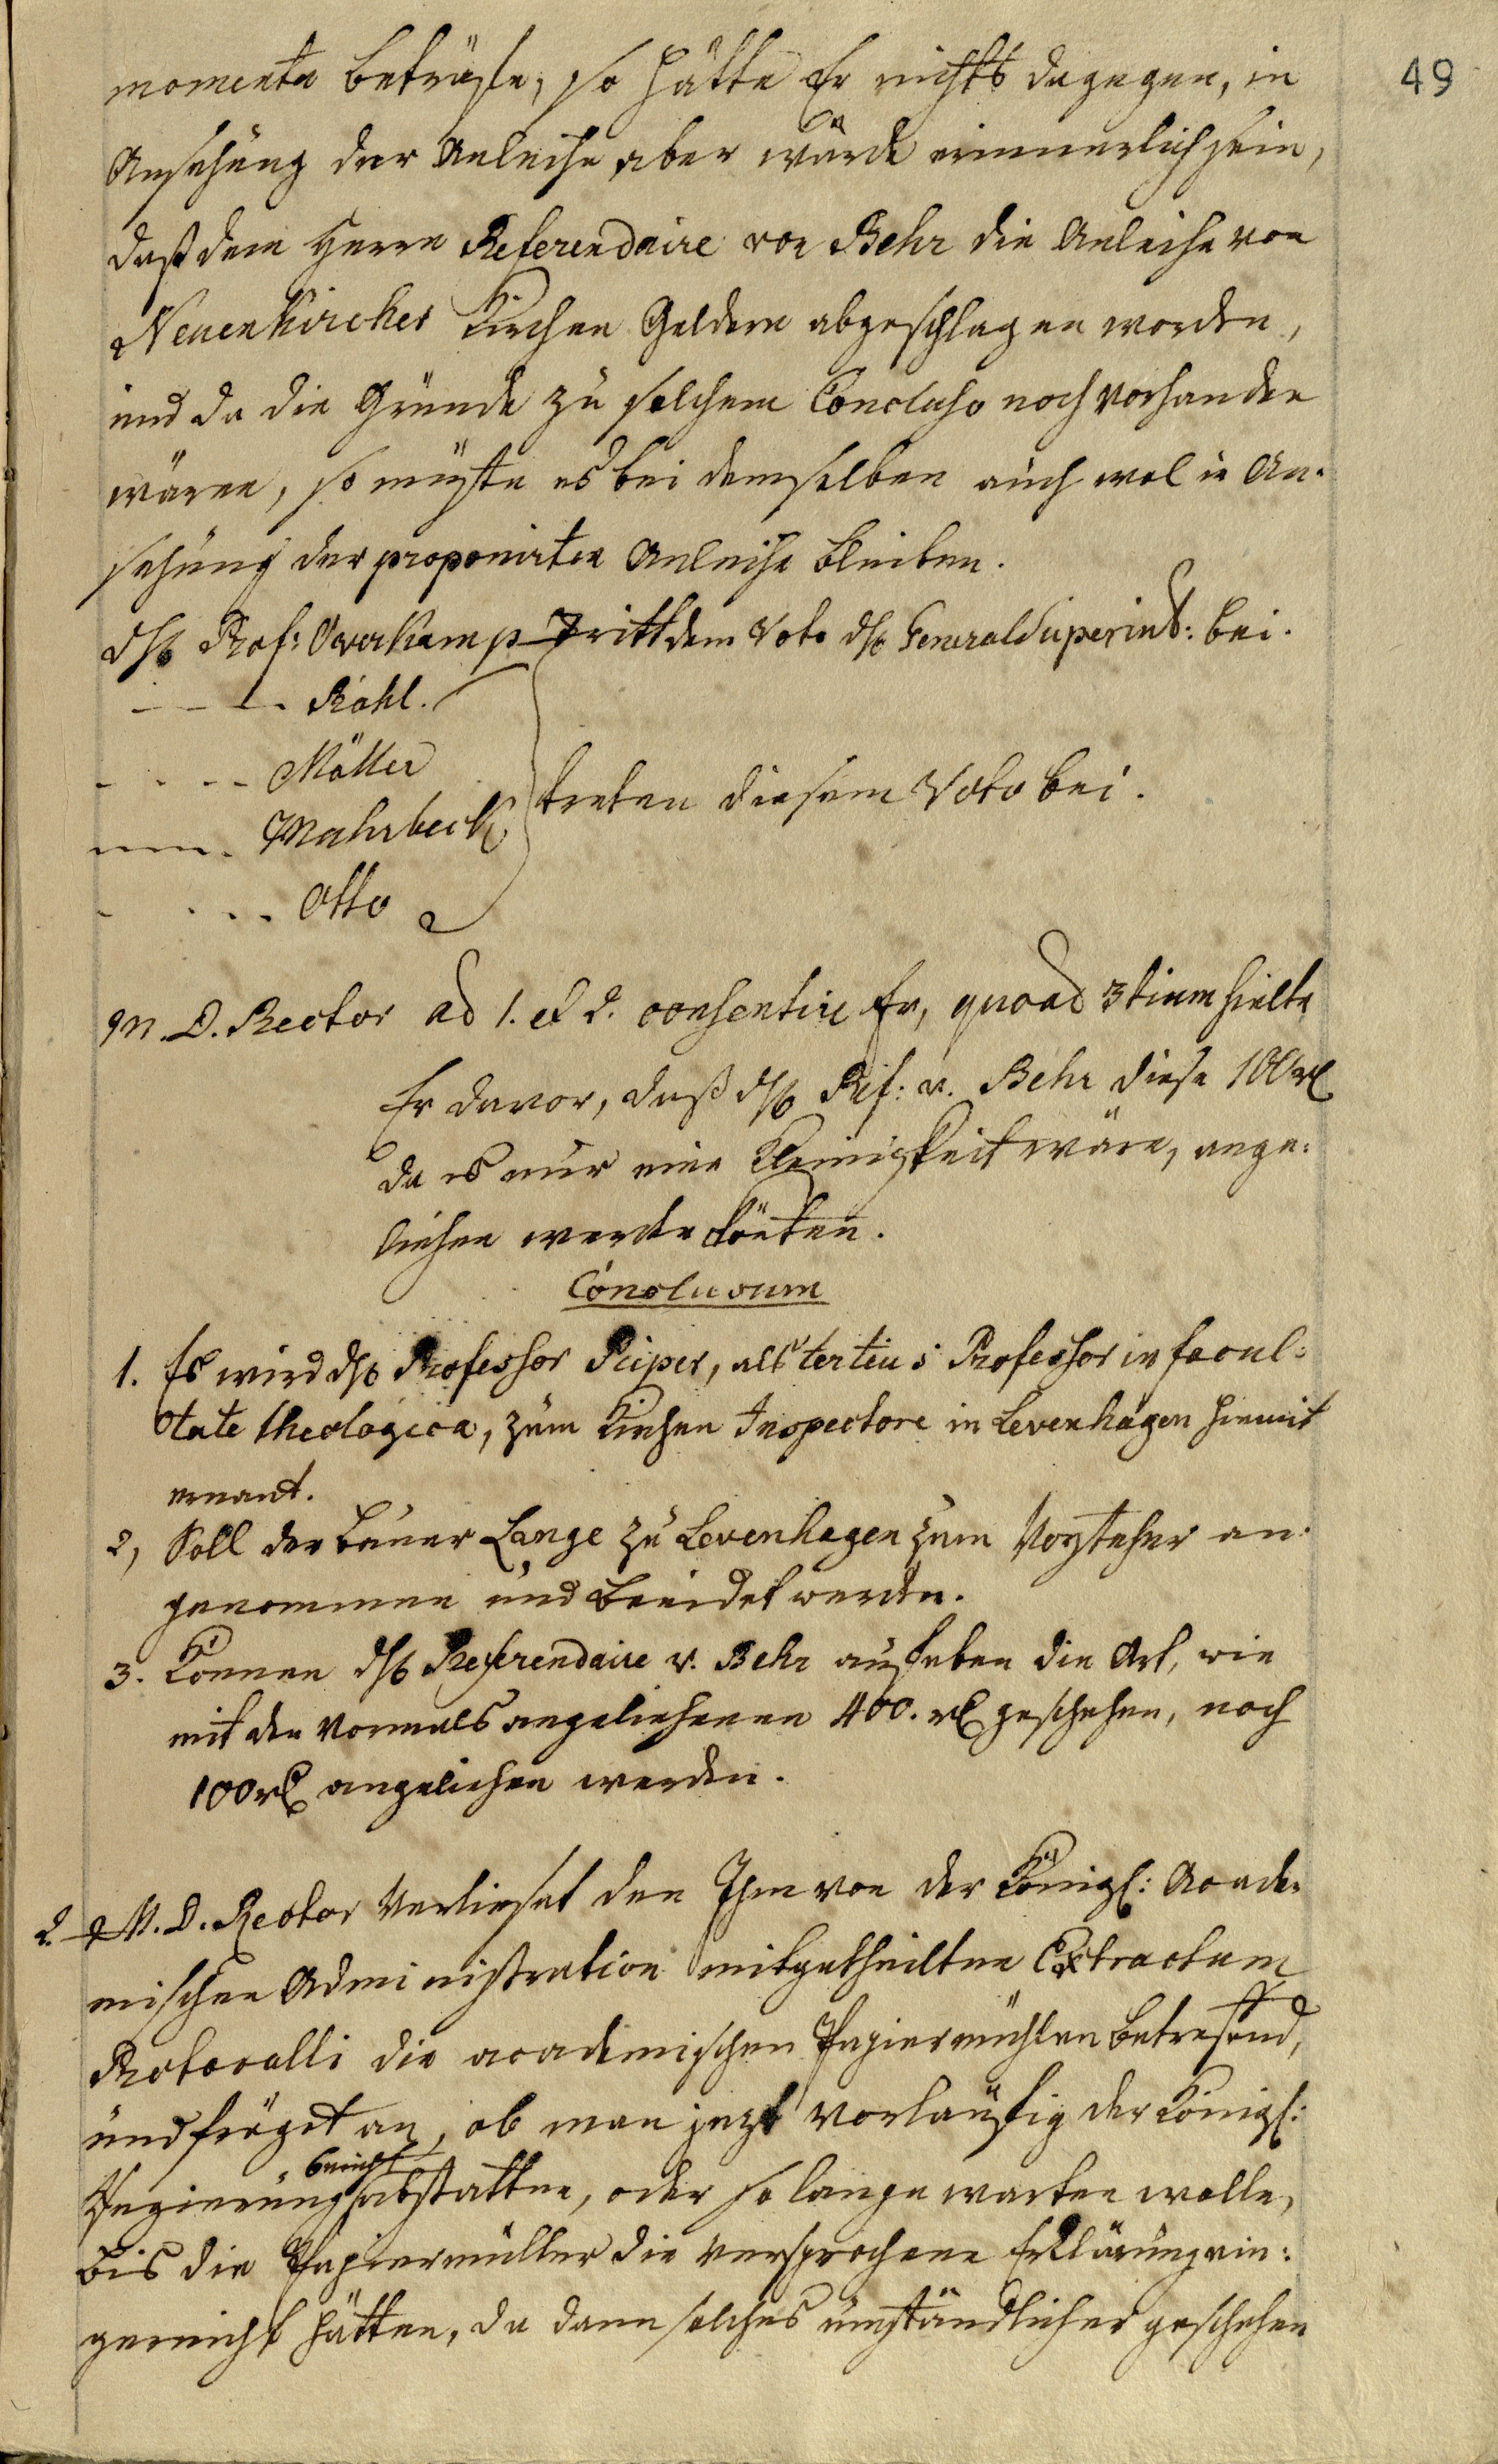momenta beträfe, so hätte Er nichts dagegen, in
Ansehung der Anleihe aber würde erinnerlich sein,
daß dem Herrn Referendaire vor Behr die Anleihe von
Neuenkircher Kirchen Geldern abgeschlagen worden,
und da die Gründe zu solchem Concluso noch vorhanden
wären, so müste es bei demselben auch wohl in An¬
sehung der proponirten Anleihe bleiben.
dh Prof. Overkamp tritt dem Voto dh GeneralSuperint. bei.
Röhl.
Möller
treten diesem Voto bei
Muhrbeck
Otto
M. D. Rector ad 1. et 2. consentire Er quoad 3 tium hielte
Er davor, daß dh Ref. v. Behr diese 100 rl
da es nur eine Kleinigkeit wäre, ange¬
liehen werden könten.
Conclusum
1. Es wird dh Professor Pieper, als tertius Professor in facul¬
tate theologica, zum Kirchen Inspectore in Levenhagen hiemit
ernant.
2, Soll der Bauer Lange zu Levenhagen zum Vorsteher an¬
genommen und beeidet werden.
3. Können dh Referendaire v. Behr auf eben die Art, wie
mit den vormals angeliehenen 400. rl. geschehen, noch
100 rl angeliehen werden.
2 M. D. Rector verlieset den Ihm von der Königl. Acade¬
mischen Administration mitgetheilten Extractum
Protocolli die academischen Papiermühlen betreffend
und fräget an, ob man jezt vorläufig der Königl.
Regierung Bericht abstatten, oder so lange warten wolle,
bis die Papiermüller die versprochene Erklärung ein¬
gereicht hätten, da dann solches umständlicher geschehen